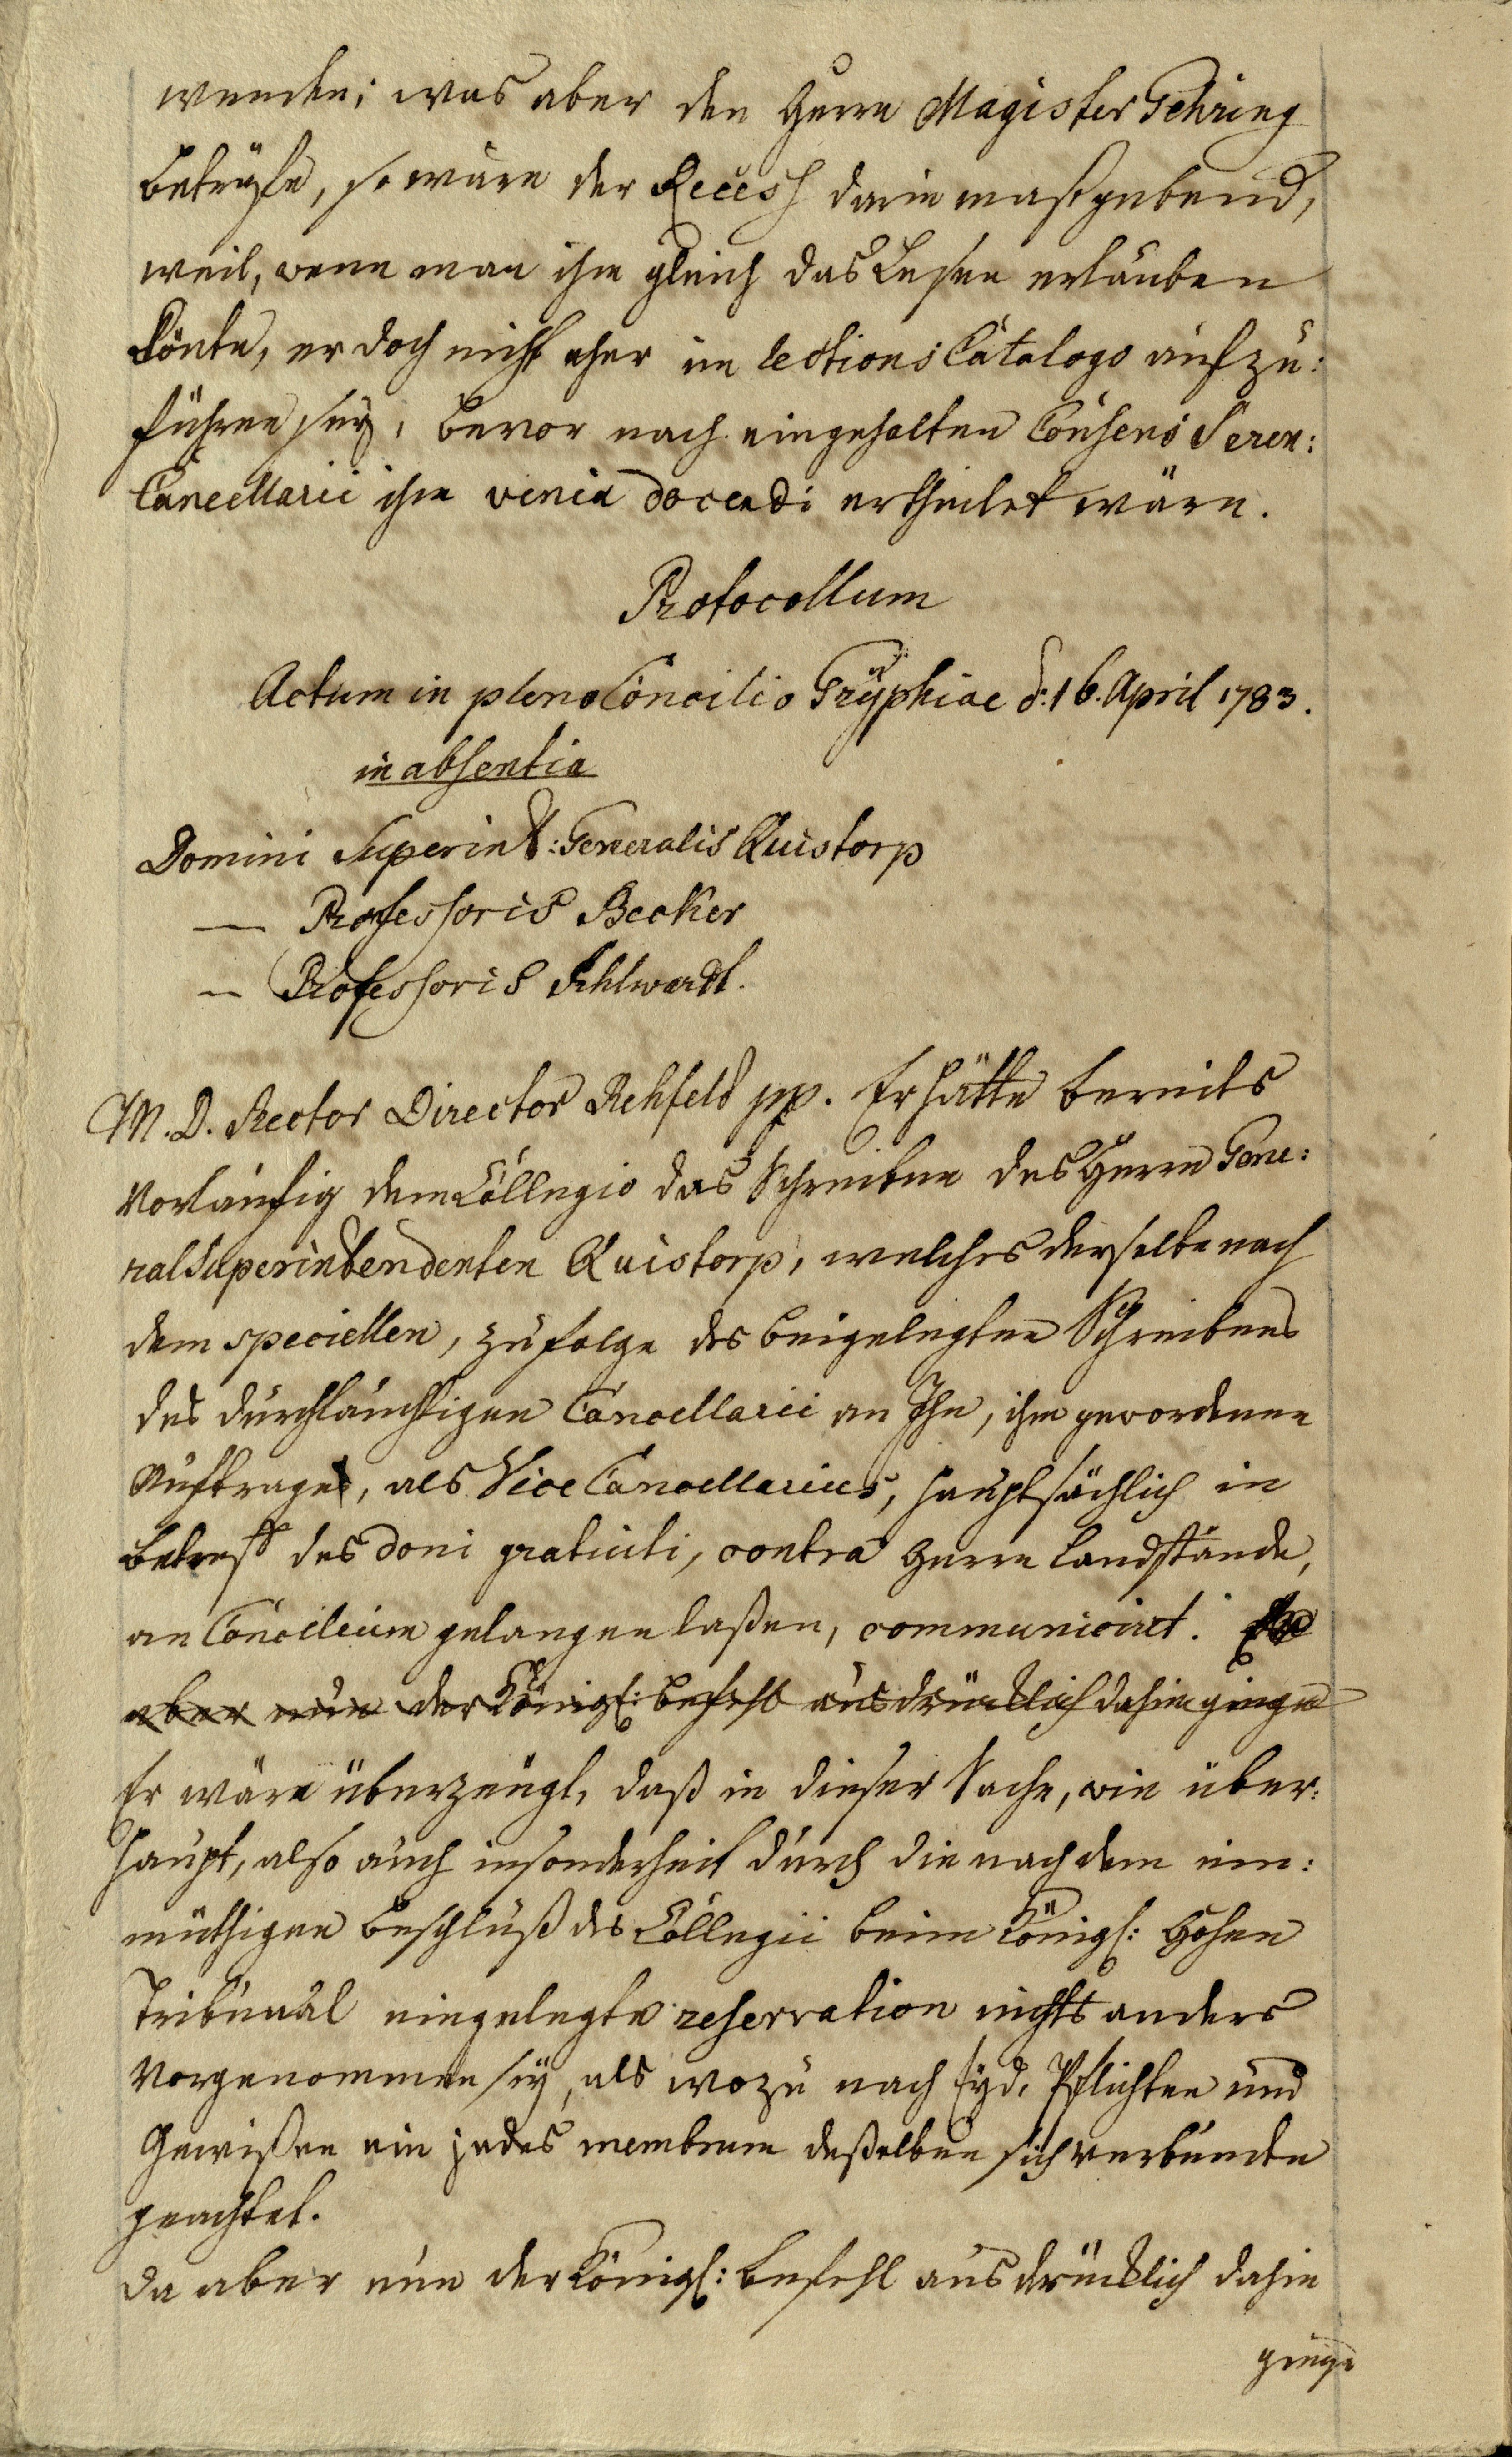wenden; was aber den Herrn Magister Gehring
beträfe, so wäre der Recess darin maßgebend,
weil, wenn man ihm gleich das Lesen erlauben
könte, er doch nicht eher in Lections Catalogo aufzu¬
führen seÿ, bevor nach eingehalten Consens Seren.
Cancellarii ihm venea docendi ertheilet wäre.
Protocollum
Actum in pleono Concilio Grÿphiae d. 16. April 1783.
in absentia
Domini Superint. Generalis Quistorp
Professoris Becker
Professoris Ahlwardt.
M. D. Rector Director Rehfeld pp. Er hätte bereits
vorläufig dem Collegio das Schreiben des Herrn Gene¬
ralSuperintendenten Quistorp, welches derselbe nach
dem speciellen, zufolge des beigelegten Schreibens
des durchlauchtigen Cancellarii an Ihn, ihm gewordenen
Auftrage, als Vice Cancellarius, hauptsächlich in
betref des doni gratuiti, contra Herrn Landstände
an Concilium gelangenlaßen, communiciret. an
aber nun der Königl. Befehl ausdrücklich dahin ginge
Er wäre überzeugt, daß in dieser Sache, wie über¬
haupt, also auch insonderheit durch die nach dem ein¬
müthigen Beschluß des Collegii beim Königl. Hohen
Tribunal eingelegte reservation nichts anders
vorgenommen seÿ, als wozu nach Eÿd, Pflichten und
Gewißen ein jedes membrum deßelben sich verbunden
geachtet.
Da aber nun der Königl. Befehl ausdrücklich dahin
ginge